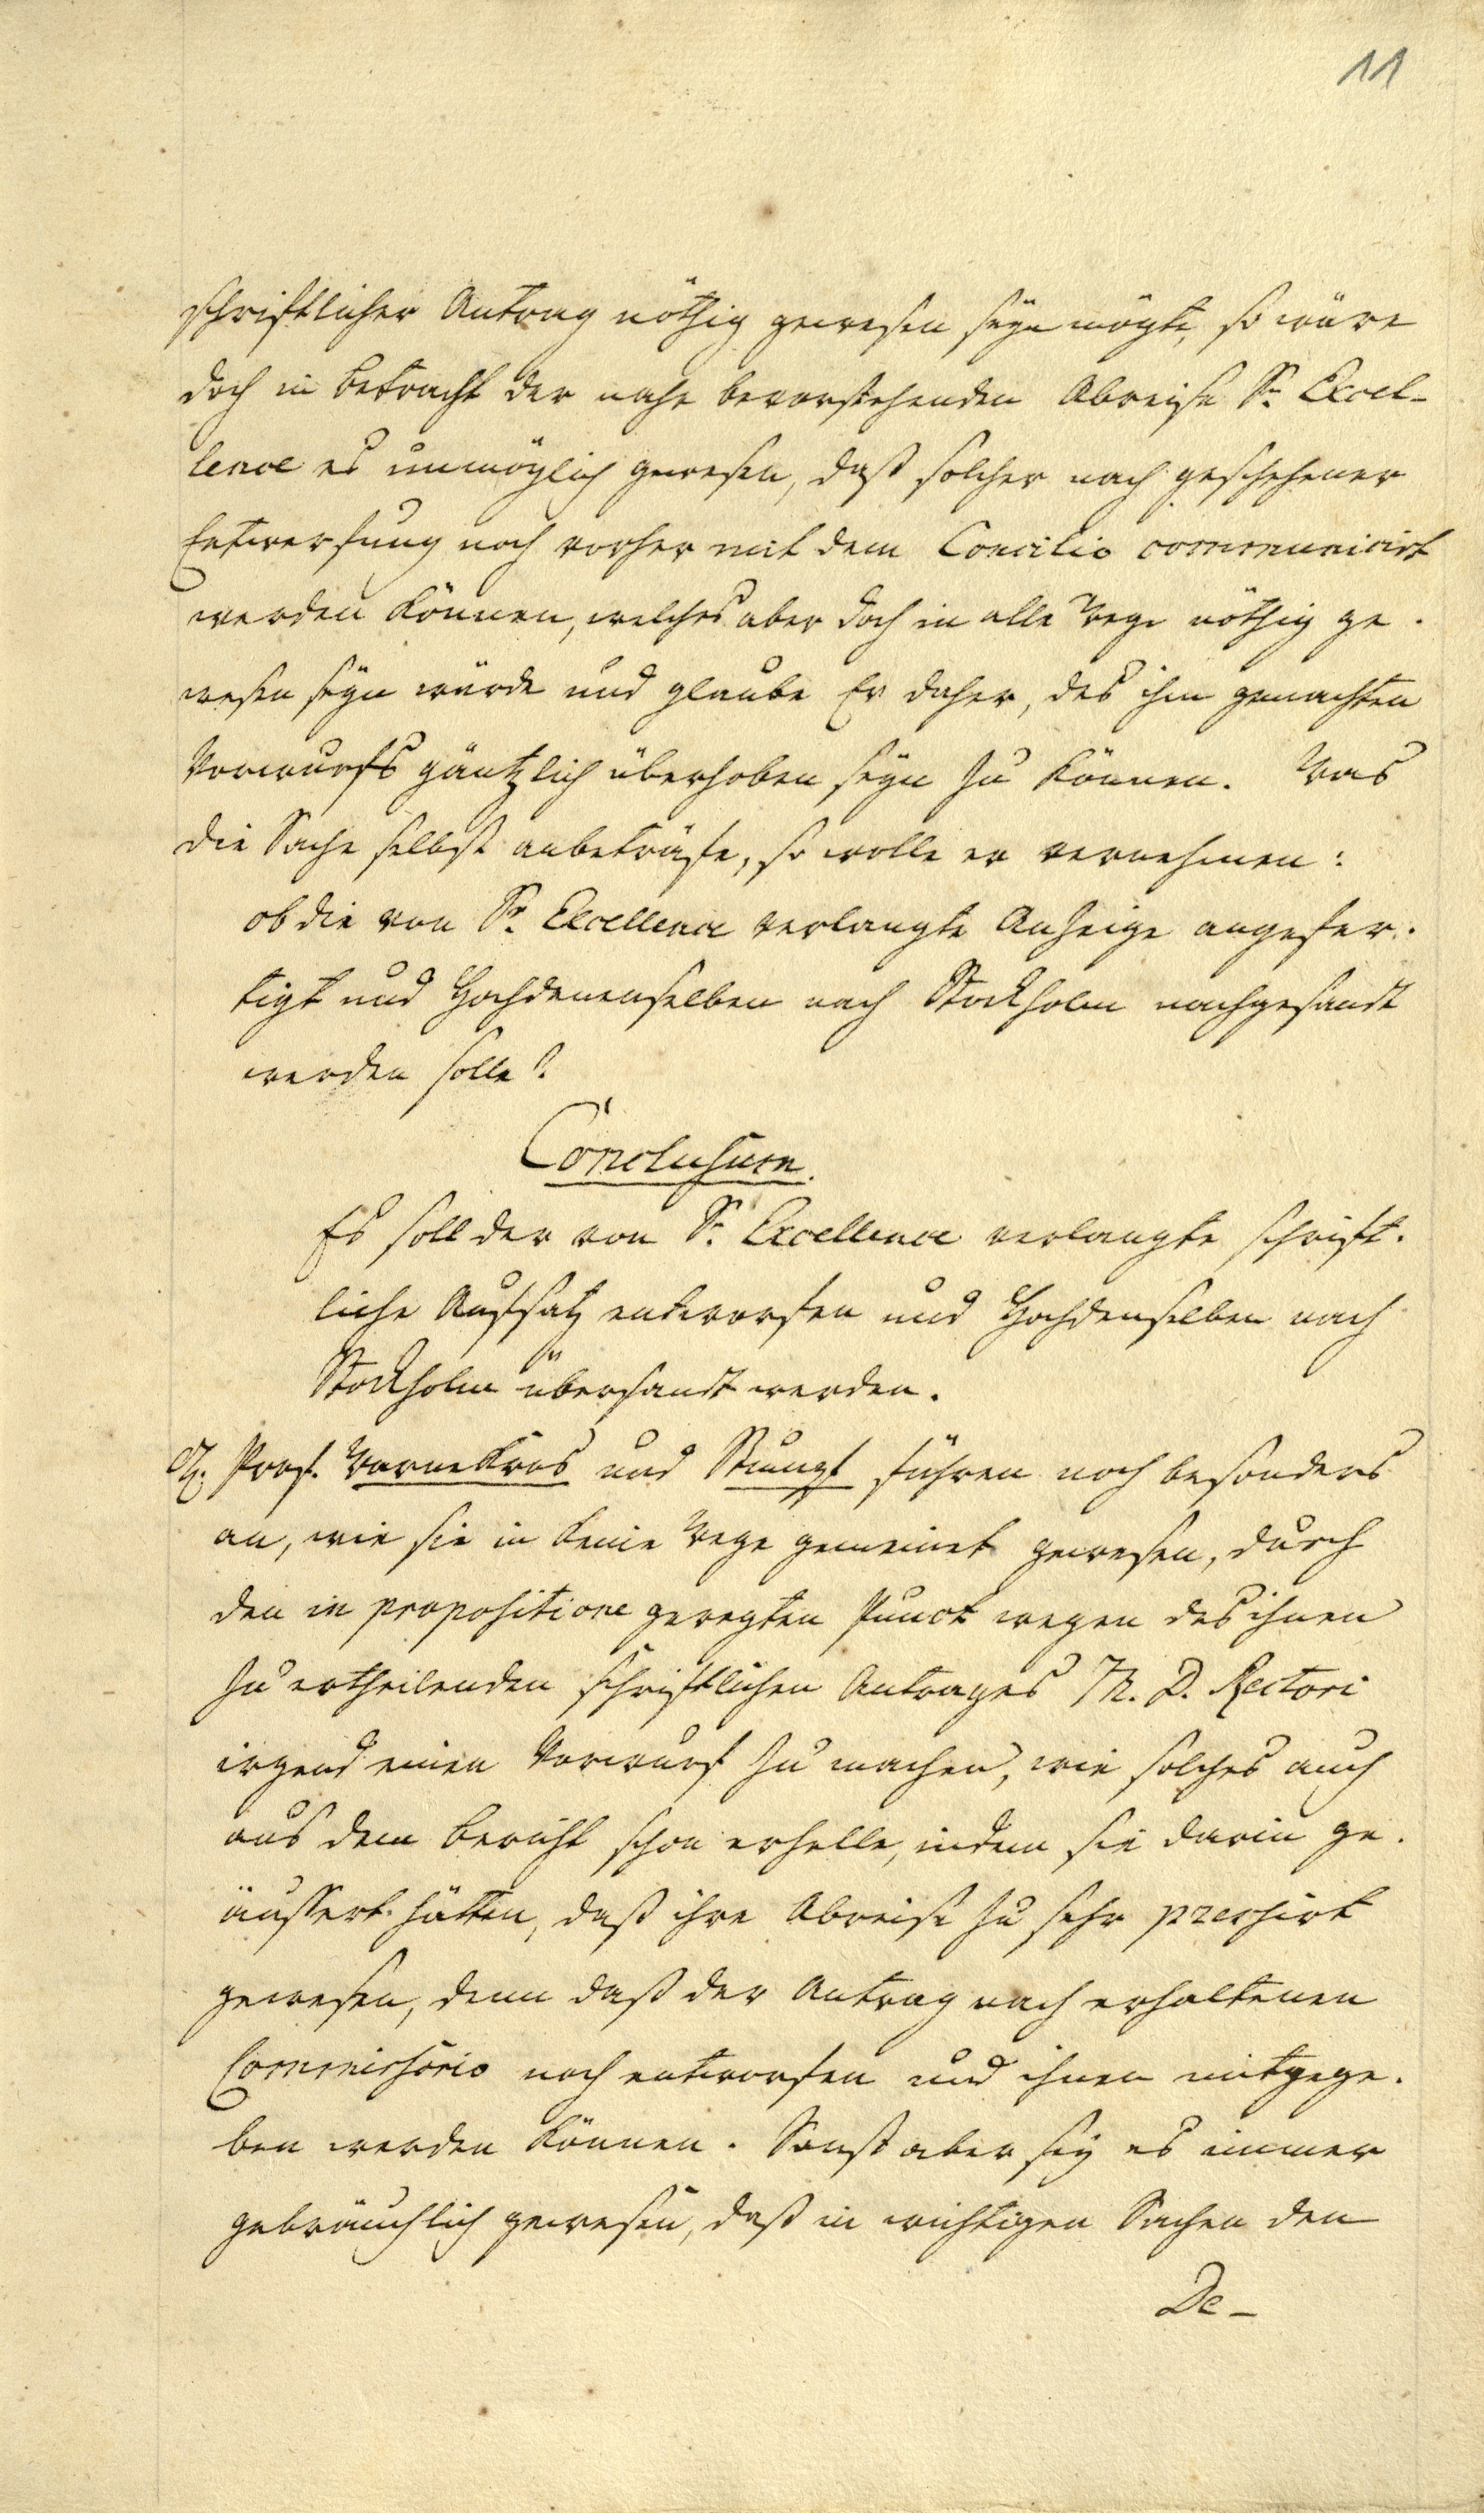schriftliche Antrag nöthig gewesen seÿn mögte, so wäre
doch in Betracht der nahe bevorstehenden Abreise Sr. Excel¬
lence es unmöglich gewesen, daß solcher nach geschehener
Entwerfung noch vorher mit dem Concilio communicirt
werden können, welches aber doch in alle Wege nöthig ge¬
wesen seÿn würde und glaube Er daher, des ihm gemachten
Vorwurfs gäntzlich überhoben seÿn zu können. Was
die Sache selbst anbeträfe, so wolle er vernehmen:
ob die von Sr. Excellence verlangte Anzeige angefer¬
tigt und Hochdenenselben nach Stockholm nachgesandt
werden solle?
Conclusum
Es soll der von Sr. Excellence verlangte schrift¬
liche Aufsatz entworfen und Hochdenselben nach
Stockholm übersandt werden.
dh. Prof. Warnekros und Stumpf führen noch besonders
an, wie sie in keine Wege gemeinet gewesen, durch
den in propositione geregten Punct wegen des ihnen
zu ertheilenden schriftlichen Antrages M. D. Rectori
irgend einen Vorwurf zu machen, wie solches auch
aus dem Bericht schon erhelle, indem sie darin ge¬
äussert hätten, daß ihre Abreise zu sehr pressirt
gewesen, denn daß der Antrag nach erhaltenen
Commissorio noch entworfen und ihnen mitgege¬
ben werden können. Sonst aber seÿ es immer
gebräuchlich gewesen, daß in wichtigen Sachen den
De